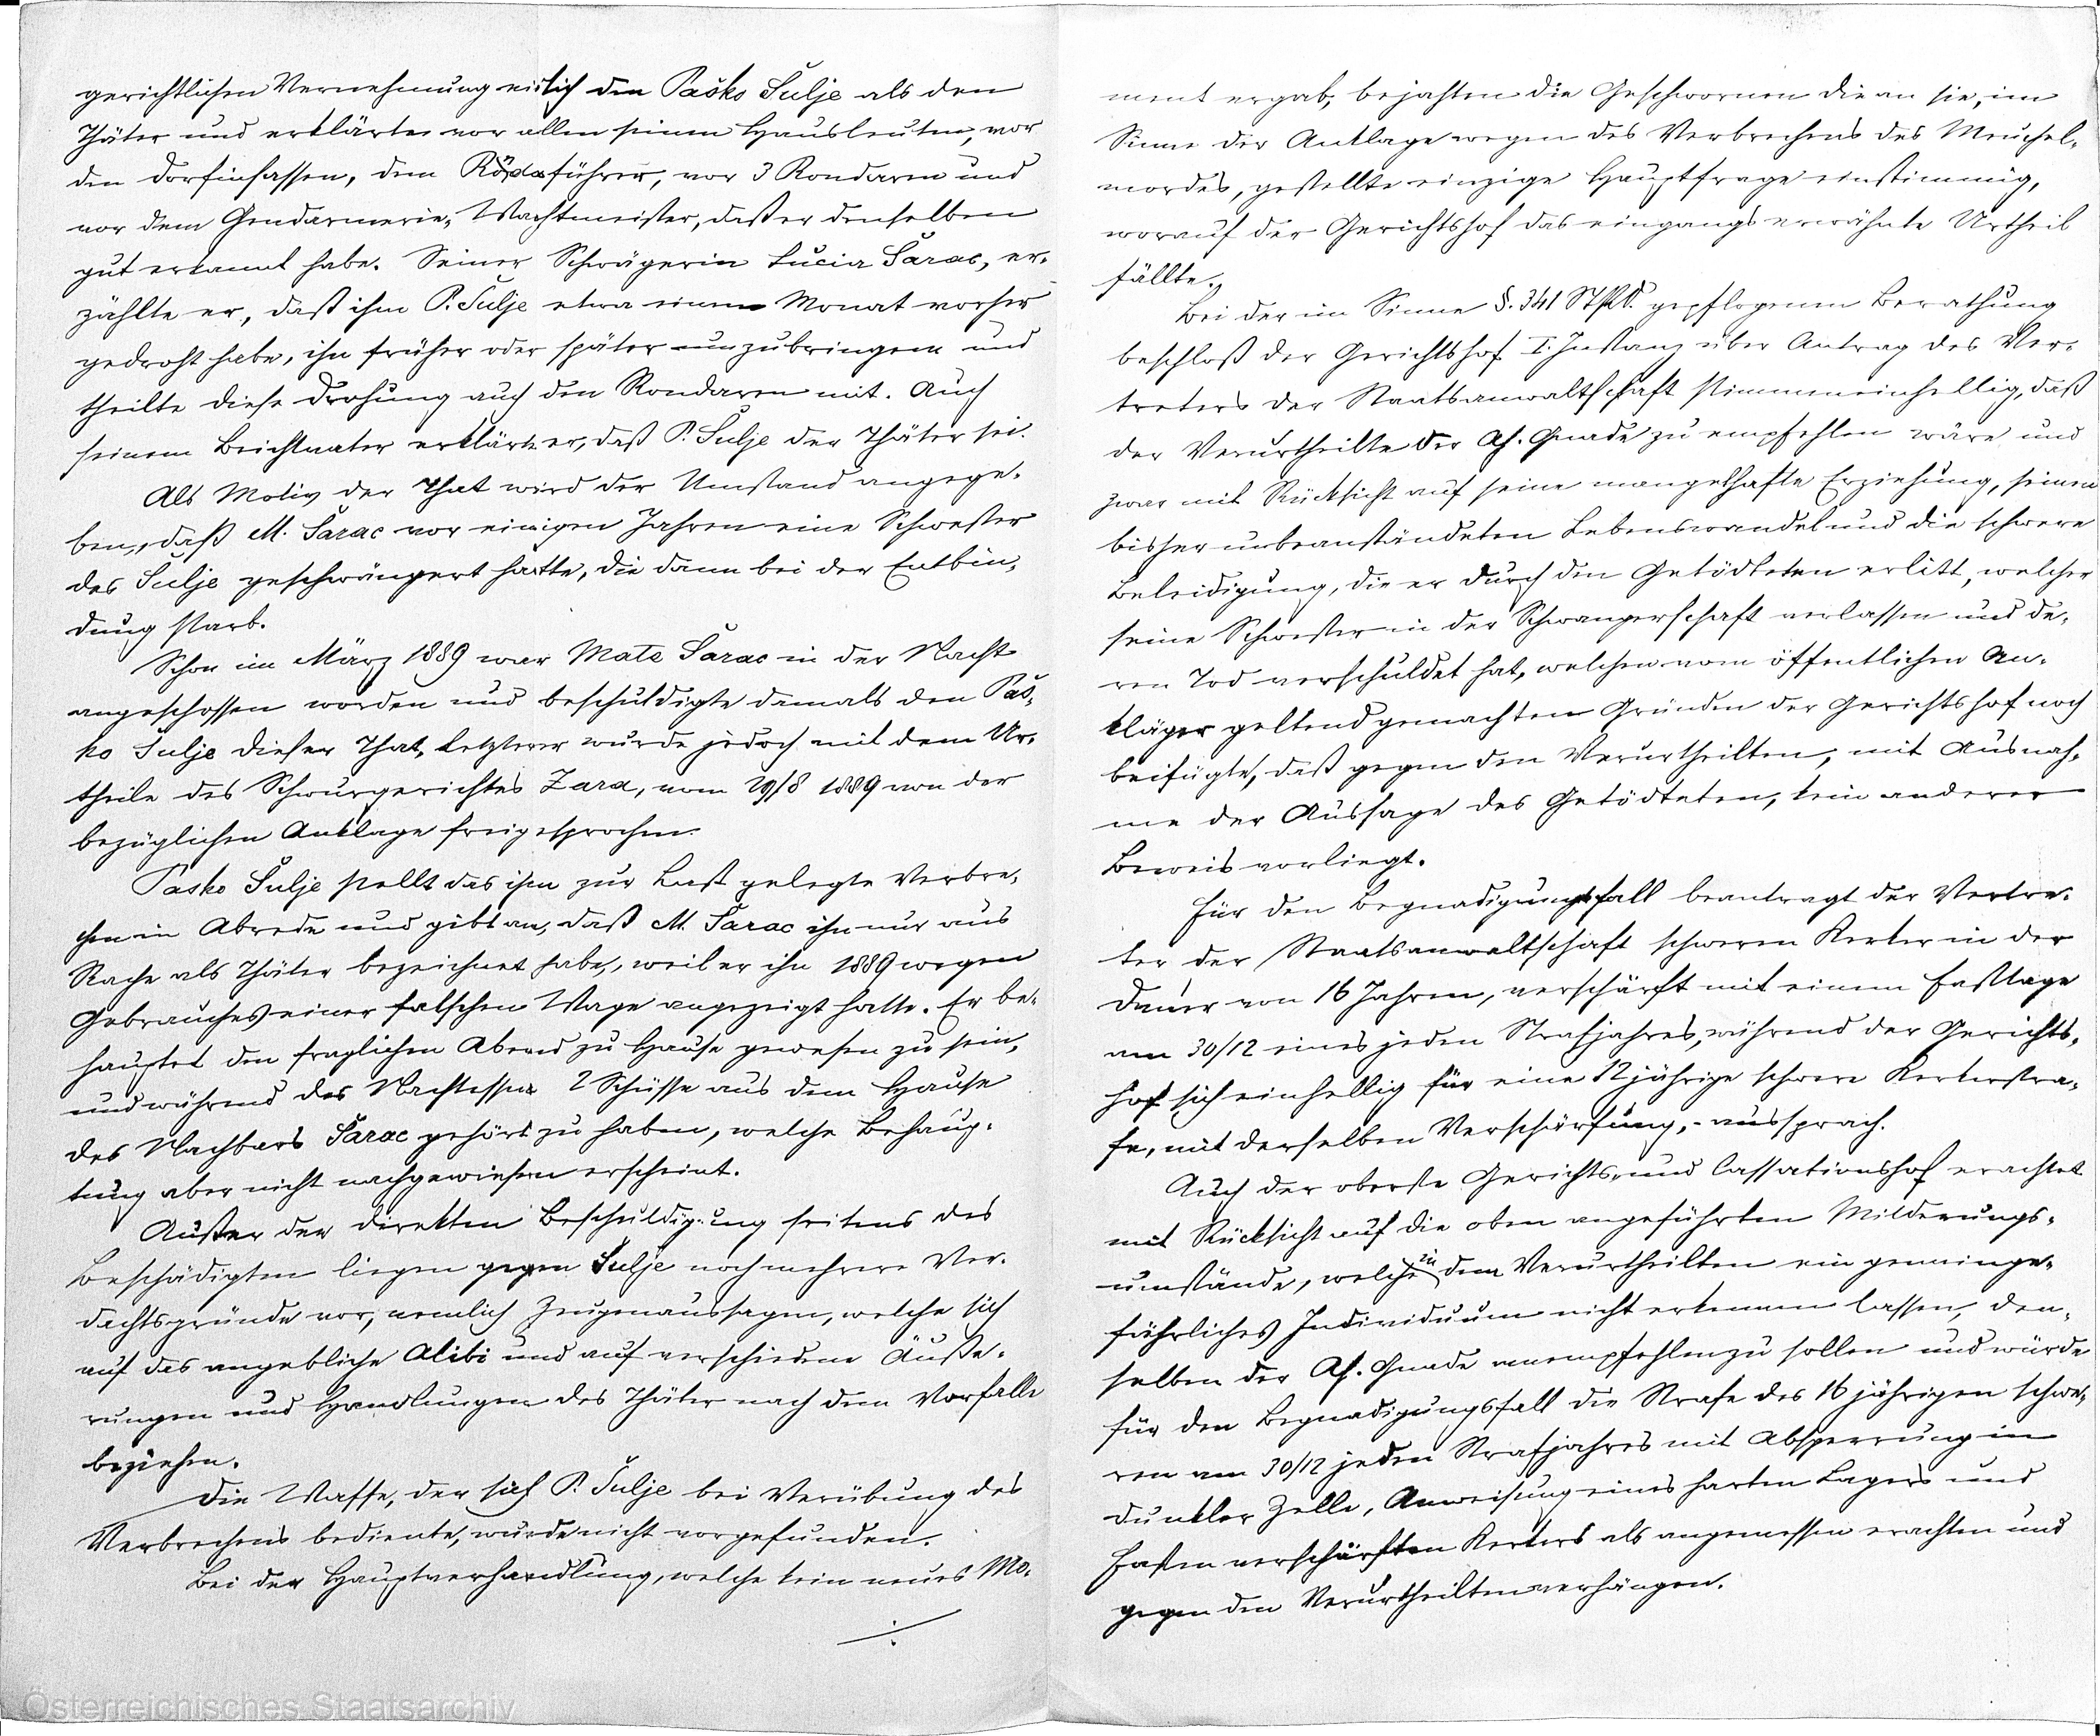gerichtlichen Vernehmung eidlich den Paško Šulje als den
Thäter und erklärter vor allen seinen Hausleuten, vor
den Dorfinsassen, dem Rondaführer, vor 3 Rodaren und
vor dem Gendarmerie-Wachtmeister, daß er denselben
gut erkannt habe. Seiner Schwägerin Lucia Šarac, er¬
zählte er, daß ihm P. Šulje etwa einem Monat vorher
gedroht habe, ihm früher oder später umzubringen und
theilte diese Drohung auch den Rondaren mit.Auch
seinem Beichtvater erklärte er, daß P. Šulje der Thäter sei.
Als Motiv der That wird der Umstand angege¬
ben, daß M. Šarac vor einigen Jahren eine Schwester
des Šulje geschwängert hatte, die dann bei der Entbin¬
dung starb.
Schon im März 1889 war Mate Šarac in der Nacht
angeschossen worden und beschuldigte damals den Paš¬
ko Šulje dieser That, letzterer wurde jedoch mit dem Ur¬
theilte des Schwurgerichtes Zara, vom 29/8 1889 von der
bezüglichen Anklage freigesprochen.
Pasko Šulje stellt das ihm zur Last gelegte Verbre¬
chen in Abrede und gibt an, daß M. Šarac ihn nur aus
Rache als Thäter bezeichnet habe, weil er ihn 1889 wegen
Gebrauches einer falschen Wage angezeigt hatte. Er be¬
hauptet den fraglichen Abend zu Hause gewesen zu sein,
und während des Nachtessen 2 Schüsse aus dem Hause
des Nachbars Šarac gehört zu haben, welche Behaup¬
tung aber nicht nachgewiesen erscheint.
Außer der direkten Beschuldigung seitens des
Beschädigten liegen gegen Šulje noch mehrere Ver¬
dachtsgründe vor, nemlich Zeugenaussagen, welche sich
auf das angebliche Alibi und auf verschiedene Äuße¬
rungen und Handlungen des Thäter nach dem Vorfalle
beziehen.
Die Waffe, der sich P. Šulje bei Verübung des
Verbrechens bediente, wurde nicht vorgefunden.
Bei der Hauptverhandlung, welche kein neues Mo¬
ment ergab, bejahten die Geschwornen die an sie, im
Sinne die Anklage wegen des Verbrechens des Meuchel¬
mordes, gestellte einzige Hauptfrage einstimmig,
worauf der Gerichtshof das eingangs erwähnte Urtheil
fällte.
Bei der ein Sinne §. 341 Stxx gepflogenen Berathung
beschloß der Gerichtshof I. Instanz über Antrag des Ver¬
treters der Staatsanwaltschaft stimmeneinhellig, daß
der Verurtheilte der Ah. Gnade zu empfehlen wäre und
zwar mit Rücksicht auf seine mangelhafte Erziehung, seinen
bisher unbranständeten Lebenswandel und die schwere
Beleidigung, die er durch den Getödteten erlitt, welcher
seine Schwester in der Schwangerschaft anlassen und de¬
ren Tod vorschuldet hat, welchen vom öffentlichen An¬
kläger geltend gemachten Gründen der Gerichtshof noch
beifügte, daß gegen den Verurtheilten, mit Ausnah¬
me der Aussage des Getödteten, kein anderer
Beweis vorliegt.
Für den Begnadigungsfall beantragt der Vertre¬
ter der Staatsanwaltschaft schweren Kerker in der
Dauer von 16 Jahren, verschärft mit einem Faxxlage
am 30/12 eines jeden Strafjahres, während der Gerichts¬
hof sich einhellig für eine 12jährige schwere Kerkerstra¬
fe, mit derselben Verschärfung,- aussprach.
Auch der oberste Gerichts- und Cassationshof erachtet
mit Rücksicht auf die oben angeführten Milderungs¬
umstände, welche in dem Verurtheilten ein gemeinge¬
fährliches Individuum nicht erkennen lassen, den¬
selben der Af. Gnade anempfehlen zu sollen und würde
für den Begnadigungsfall die Strafe des 16 jährigen schwe¬
ren am 30/12 jeden Strafjahres mit Absperrung in
Dunkler Zelle, Anweisung eines harten Lagers und
Fasten verschärften Kerkers als angemessen erachten und
gegen den Verurtheilten verhängen.